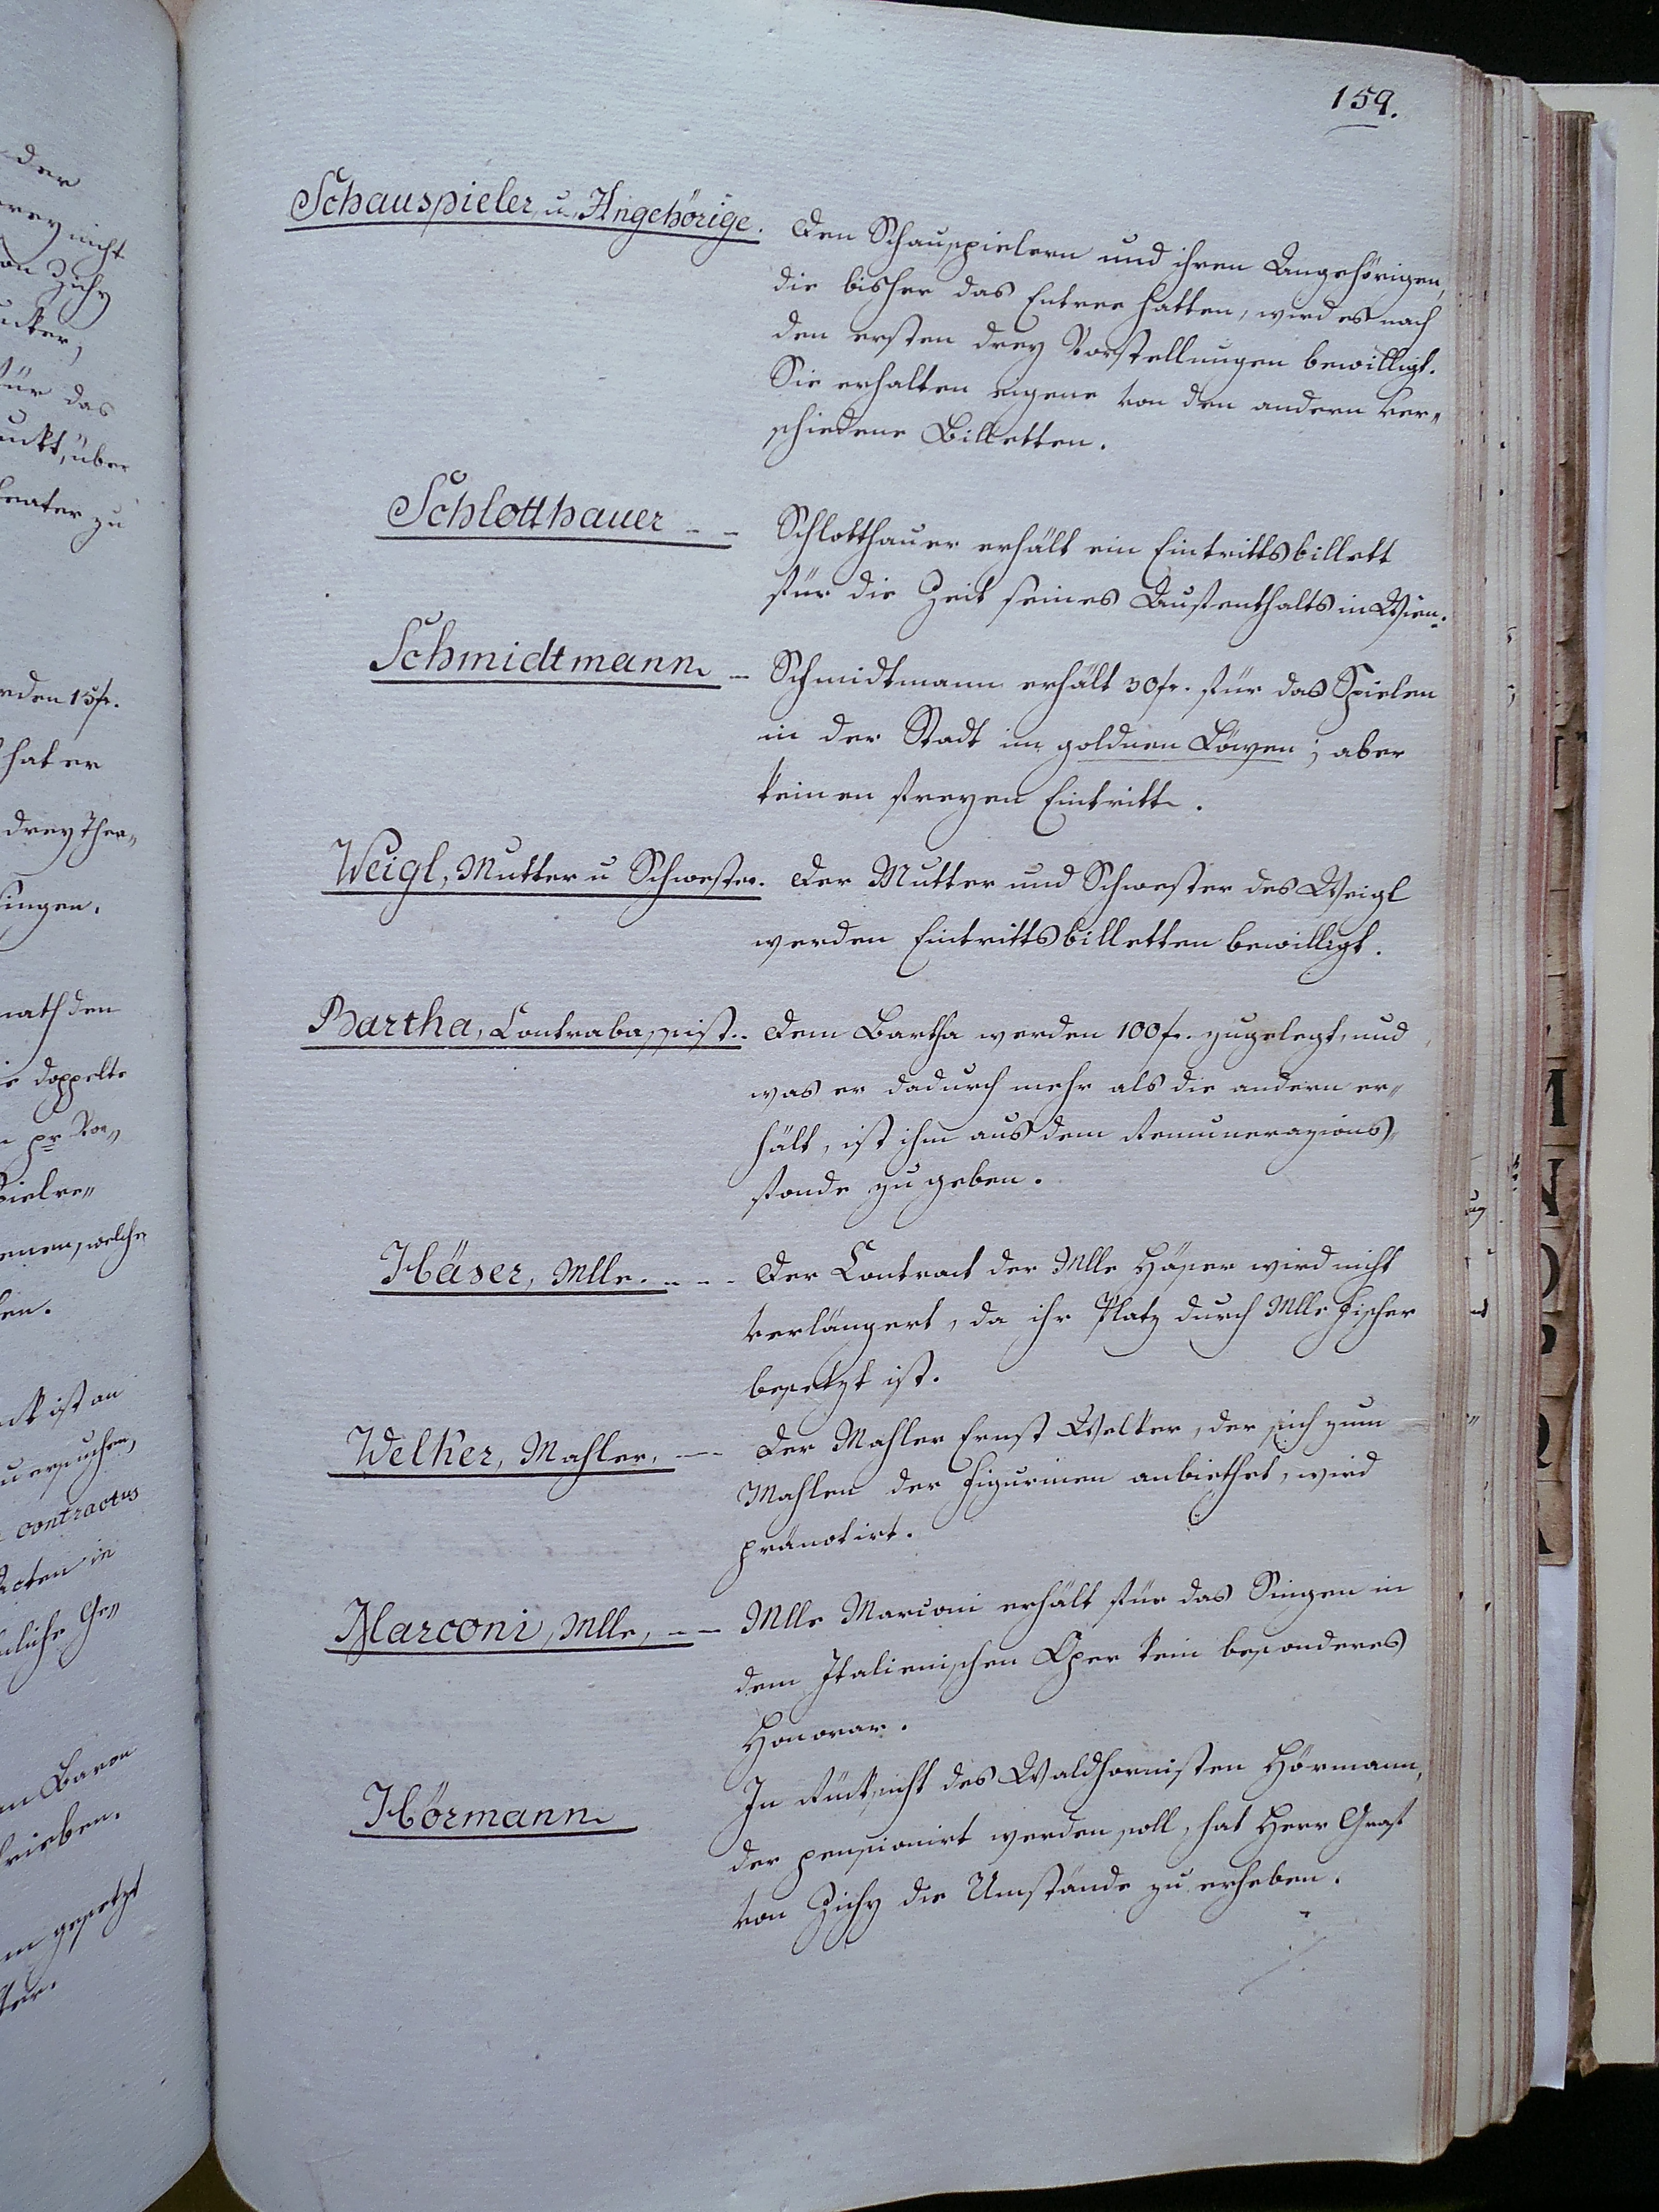159.
Schauspieler, u., Angehörige. Den Schauspielern und ihren Angehörigen,
die bisher das Entree hatten, wird es nach
den ersten drey Vorstellungen bewilligt.
Sie erhalten eigene von den andern ver¬
schiedene Billetten.
Schlotthauer .. .. Schlotthauer erhält ein Eintrittsbillett
für die Zeit seines Aufenthalts in Wien.
Schmidtmann ... Schmidtmann erhält 30fr. für das Spielen
in der Stadt im goldenen Löwen; aber
keinen freyen Eintritt.
Weigl, Mutter u Schwester. Der Mutter und Schwester des Weigl
werden Eintrittsbilletten bewilligt.
Bartha, Contrabassist.. Dem Bartha werden 100fr. zugelegt, und
was er dadurch mehr als die andern er¬
hält, ist ihm aus dem Remunerazions¬
fonde zu geben.
Häser, Mlle. .. .. .. Der Contract der Mlle Häser wird nicht
verlängert, da ihr Platz durch Mlle Fischer
besetzt ist.
Welker, Mahler. .... Der Mahler Ernst Welker, der sich zum
Mahlen der Figurinen anbiethet, wird
pränotirt.
Marconi, Mlle, .. .. Mlle Marconi erhält für das Singen in
der Italienischen Oper kein besonderes
Honorar.
Hörmann In Rücksicht des Waldhornisten Hörmann,
der pensionirt werden soll, hat Herr Graf
von Zichy die Umstände zu erheben.